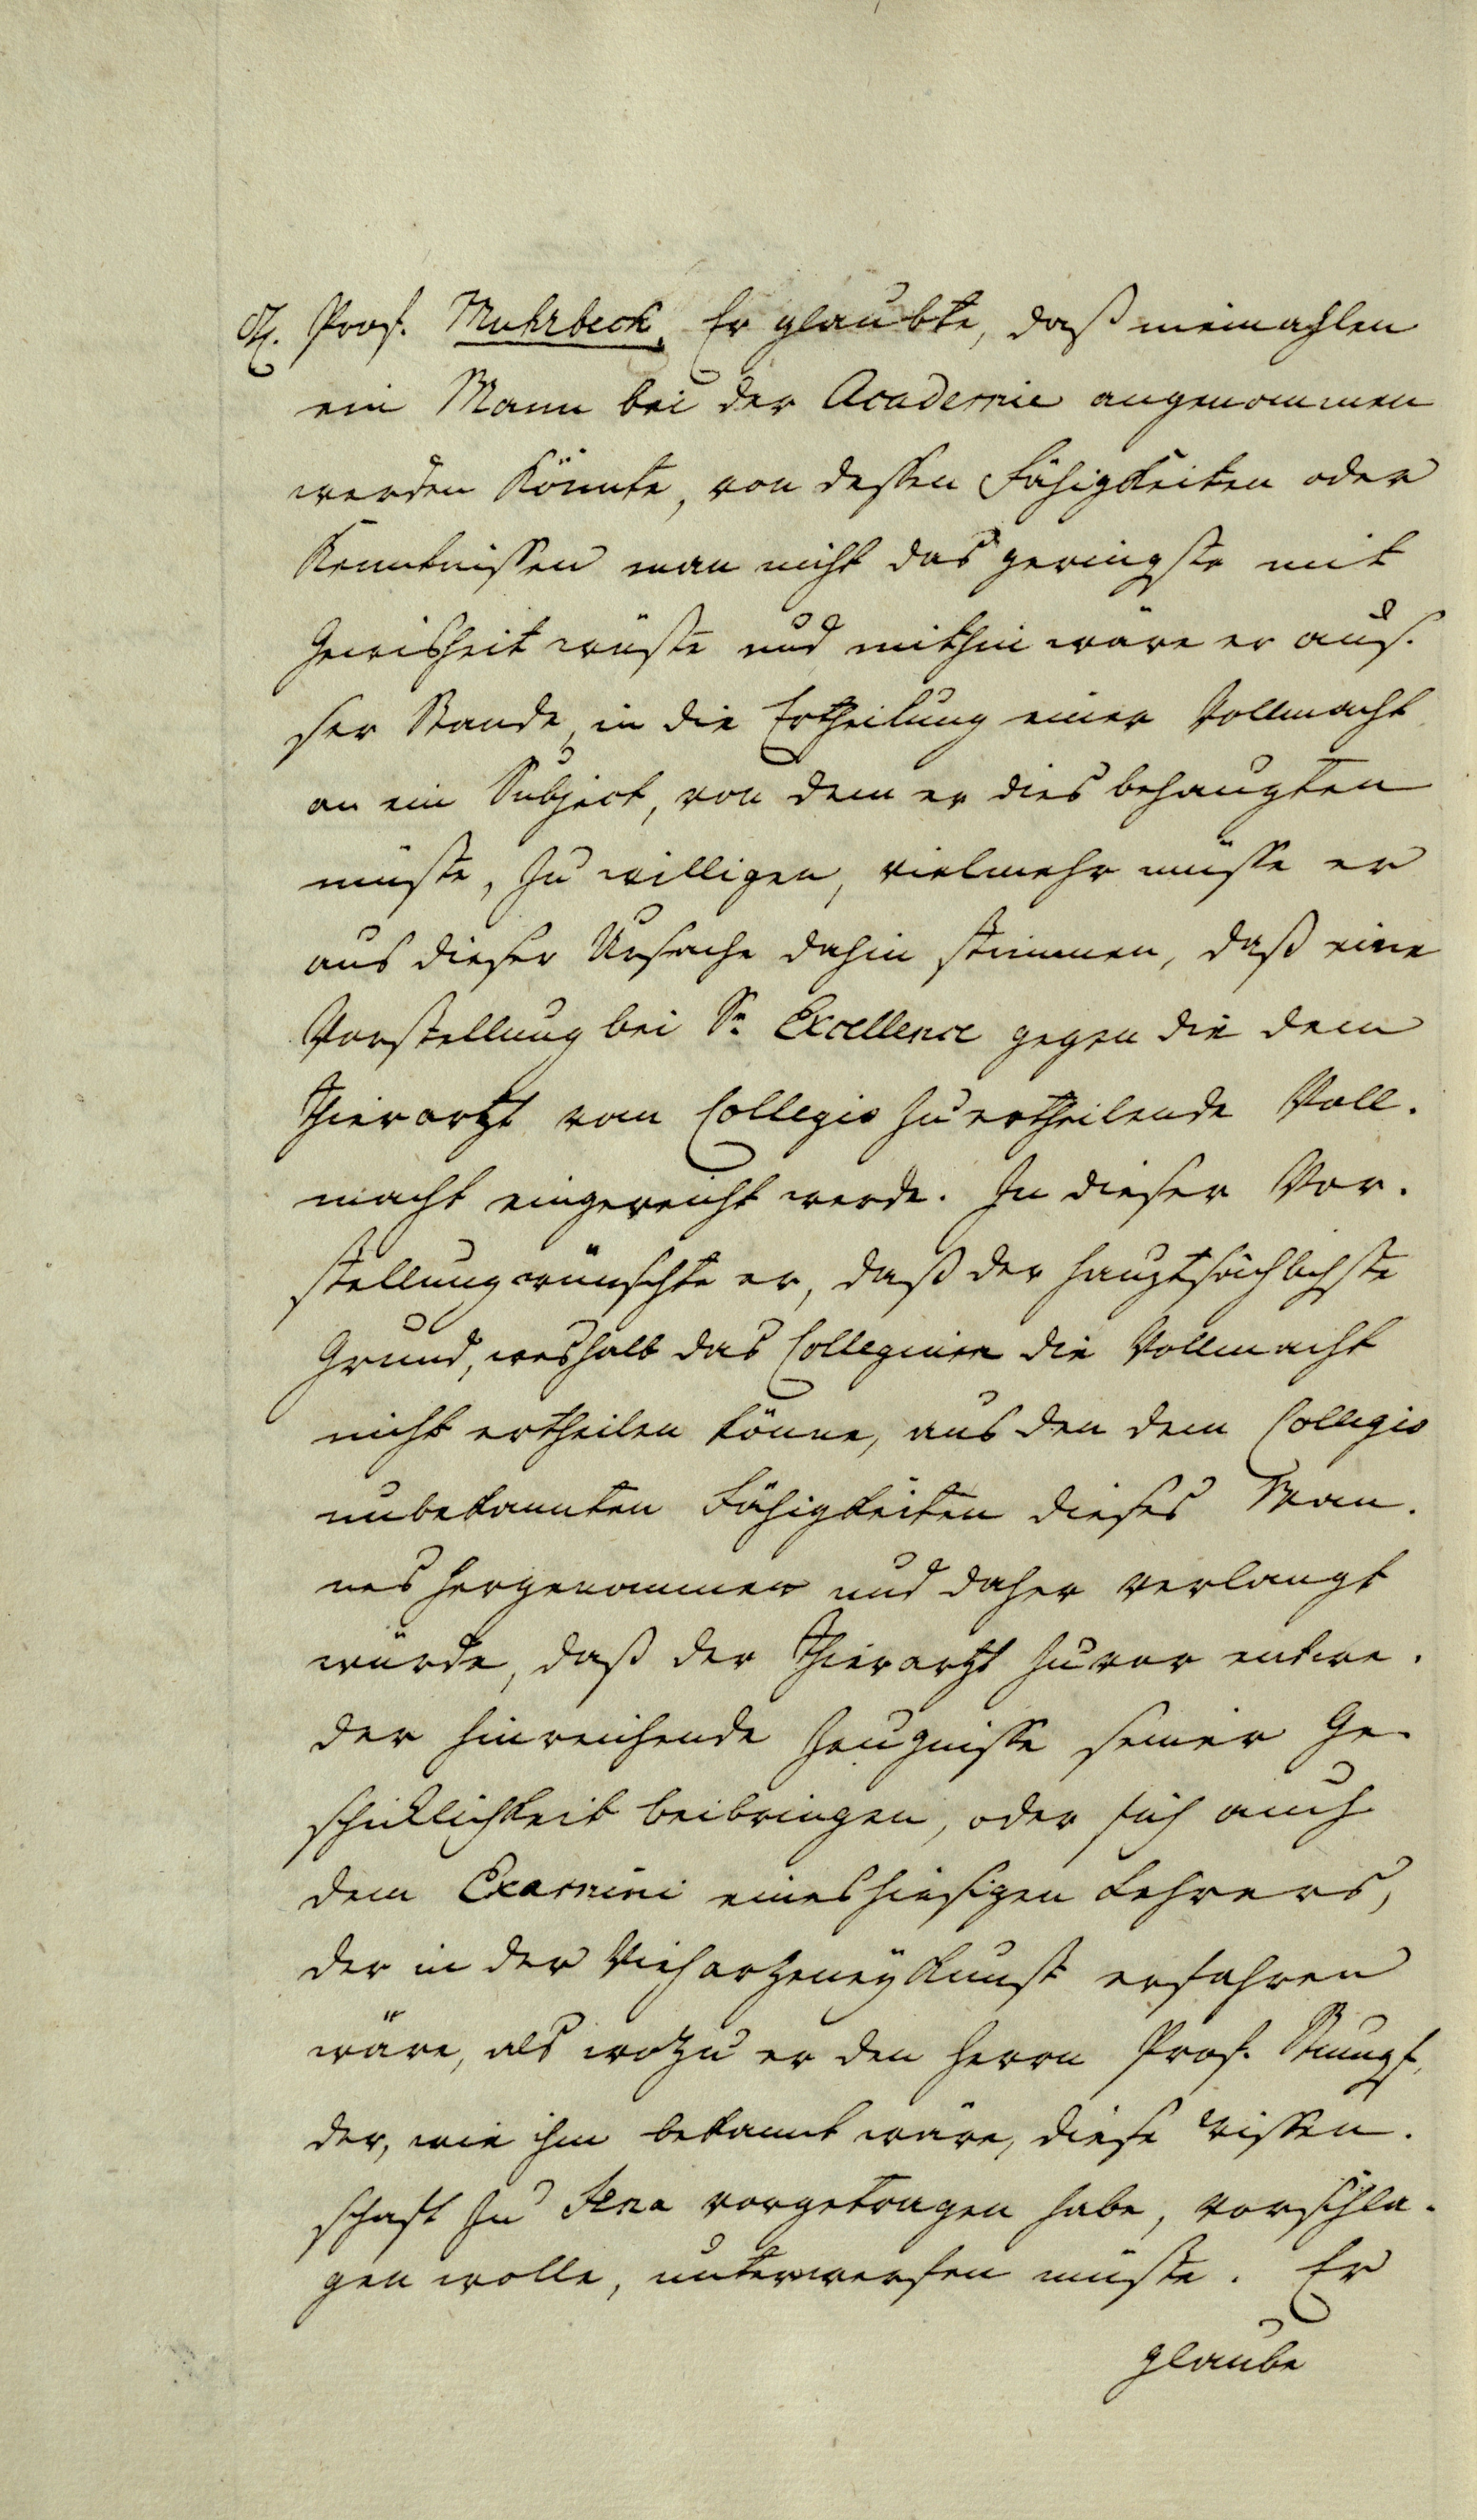dh. Prof. Muhrbeck. Er glaubte, daß niemahlen
ein Mann bei der Academie angenommen
werden könnte, von dessen Fähigkeiten oder
Kenntnissen man nicht das geringste mit
Gewisheit wüßte und mithin wäre er aus¬
ser Stande, in die Ertheilung einer Vollmacht
an ein Subject, von dem er dies behaupten
müßte, zu willigen, vielmehr müsse er
aus dieser Ursache dahin stimmen, daß eine
Vorstellung bei Sr Excellence gegen die dem
Thierartzt vom Collegio zu ertheilende Voll¬
macht eingereicht werde. In dieser Vor¬
stellung wünschte er, daß der Hauptsächlichste
Grund, weshalb das Collegium die Vollmacht
nicht ertheilen könne, aus den dem Collegio
unbekannten Fähigkeiten dieses Man¬
nes hergenommen und daher verlangt
würde, daß der Thierartzt zuvor entwe¬
der hinreichende Zeugnisse seiner Ge¬
schicklichkeit beibringen, oder sich auch
dem Examini eines hiesigen Lehrers,
der in der Vieharzeneÿkunst erfahren
wäre, als wozu er den Herrn Prof. Stumpf
der, wie ihm bekannt wäre, diese Wissen¬
schaft zu Jena vorgetragen habe, vorschla¬
gen wolle, unterwerfen müßte. Er
glaube